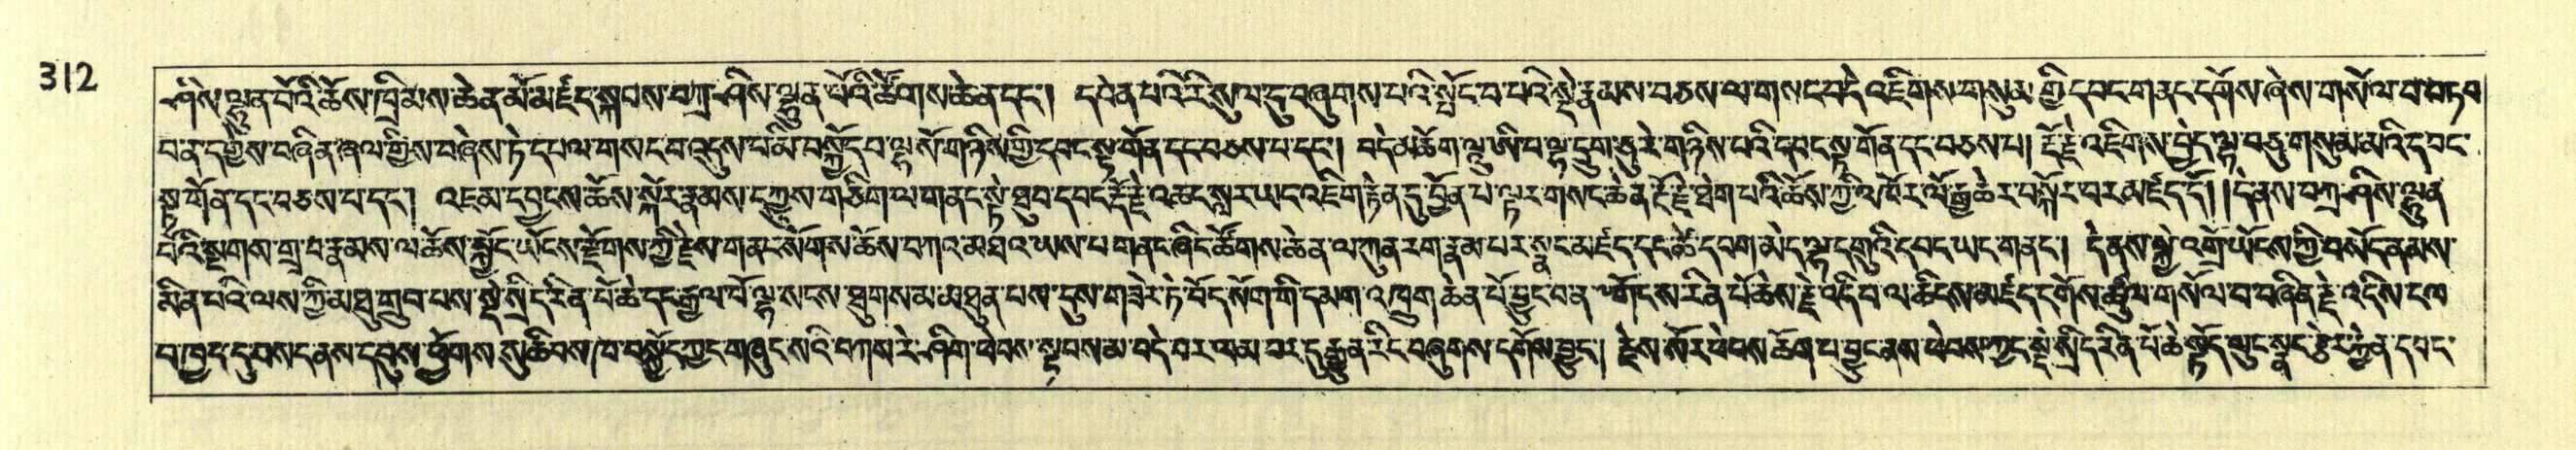ཤིས་ལྷུན་པོའི་ཆོས་ཁྲིམས་ཆེན་མོ་མཛད་སྐབས་བཀྲ་ཤིས་ལྷུན་པོའི་ཚོགས་ཆེན་དང་། དབེན་པའི་རི་སུ་ལ་དུ་བཞུགས་པའི་སྤོང་བ་པའི་སྡེ་རྣམས་བཅས་ལ་གསང་བདེ་འཇིགས་གསུམ་གྱི་དབང་གནང་དགོས་ཞེས་གསོལ་བ་བཏབ་
བ་ན་དགྱེས་བཞིན་ཞལ་གྱིས་བཞེས་ཏེ་དཔལ་གསང་བ་འདུས་པ་མི་བསྐྱོད་པ་ལྷ་སོ་གཉིས་ཀྱི་དབང་སྟ་གོན་དང་བཅས་པ་དང་། བདེ་མཆོག་ལཱུ་ཨི་པ་ལྷ་དྲུག་ཅུ་རེ་གཉིས་པའི་དབང་སྟ་གོན་དང་བཅས་པ། རྡོ་རྗེ་འཇིགས་བྱེད་ལྷ་བཅུ་གསུམ་མའི་དབང་
སྟ་གོན་དང་བཅས་པ་དང་། འཇམ་དབྱངས་ཆོས་སྐོར་རྣམས་དཀྱུས་གཅིག་ལ་གནང་སྟེ་ཐུབ་དབང་རྡོ་རྗེ་འཆང་སླར་ཡང་འཇིག་རྟེན་དུ་བྱོན་པ་ལྟར་གསང་ཆེན་རྡོ་རྗེ་ཐེག་པའི་ཆོས་ཀྱི་འཁོར་ལོ་རྒྱ་ཆེར་བསྐོར་བར་མཛད་དོ། །དེ་ནས་བཀྲ་ཤིས་ལྷུན་
པོའི་སྔགས་གྲྭ་བ་རྣམས་ལ་ཆོས་སྐྱོང་ཡོངས་རྫོགས་ཀྱི་རྗེས་གནང་སོགས་ཆོས་བཀའ་མཐའ་ཡས་པ་གནང་ཞིང་ཚོགས་ཆེན་ལ་ཀུན་རག་རྣམ་པར་སྣང་མཛད་དང་ཚེ་དཔག་མེད་ལྷ་དགུའི་དབང་ཡང་གནང་། དེ་ནས་སྐྱེ་འགྲོ་ཡོངས་ཀྱི་བསོད་ནམས་
མིན་པའི་ལས་ཀྱི་མཐུ་གྲུབ་པས་སྡེ་སྲིད་རིན་པོ་ཆེ་དང་རྒྱལ་པོ་ལྷ་སངས་ཐུགས་མ་མཐུན་པས་དུས་གཟེར་ཏེ་བོད་སོག་གི་དམག་འཁྲུག་ཆེན་པོ་བྱུང་བ་ན་༧་གོང་ས་རིན་པོ་ཆེས་རྗེ་འདི་བ་ལ་ཆིངས་མཛད་དགོས་ཚུལ་གསོལ་བ་བཞིན་རྗེ་འདིས་ངལ་
བ་ཁྱད་དུ་བསད་ནས་དབུས་ཕྱོགས་སུ་ཆིབས་ཁ་བསྐྱོད་ཀྱང་གཞུང་སའི་བཀས་རེ་ཤིག་ཕེབས་སྟབས་མ་བདེ་བར་ལམ་བར་དུ་རྒྱུན་རིང་བཞུགས་དགོས་བྱུང་། རྗེས་སོར་ཕེབས་ཆོག་པ་བྱུང་ནས་ཕེབས་ཀྱང་སྡེ་སྲིད་རིན་པོ་ཆེ་སྟོད་ལུང་སྣང་རྩེར་རྐྱེན་དབང་